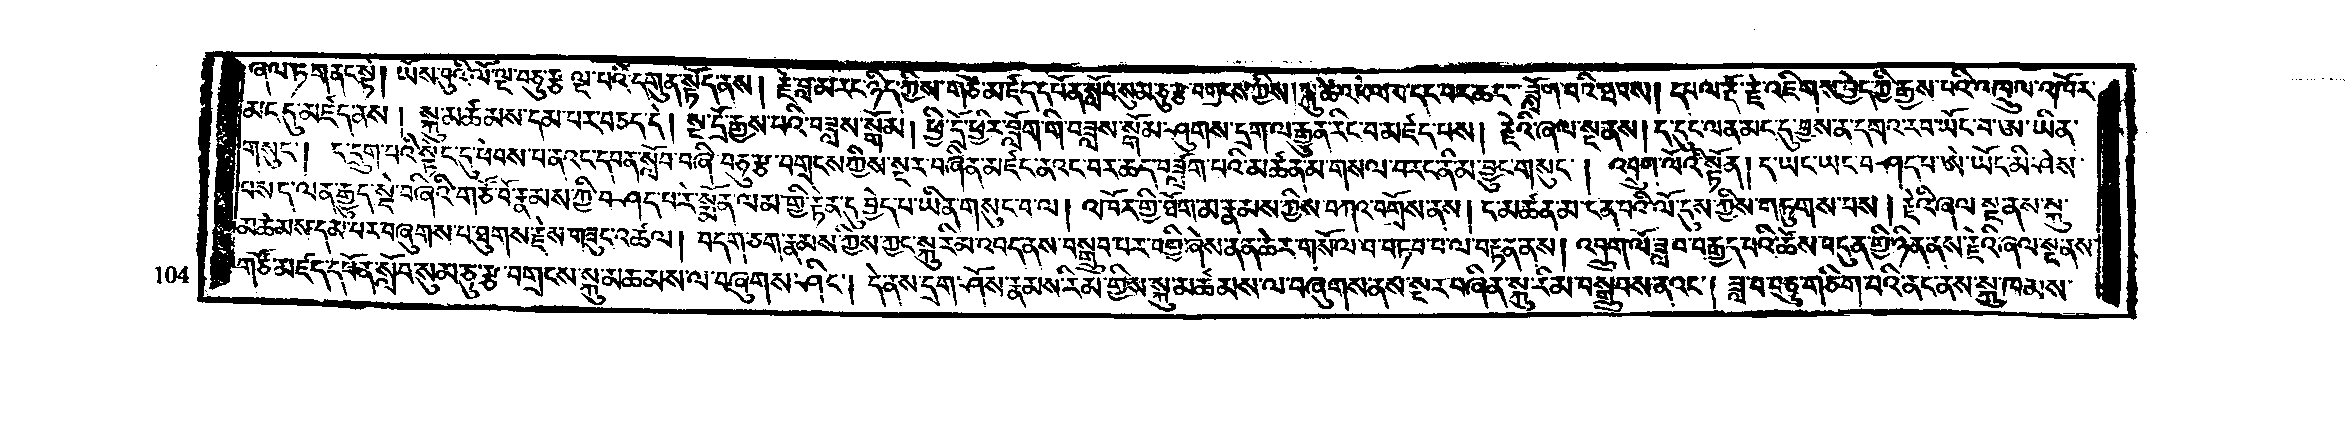ཞལ་ཏ་གནང་སྟེ། ཡོས་བུའི་ལོ་ལྔ་བཅུ་རྩ་ལྔ་པའི་དགུན་སྟོད་ནས། རྗེ་བླ་མ་རང་ཉིད་ཀྱིས་གཙོ་མཛད་དཔོན་སློབ་སུམ་ཅུ་རྩ་བགྲངས་ཀྱིས། སྐུ་ཚེ་འཕེལ་བ་དང་བར་ཆད་ཟློག་པའི་ཐབས། དཔལ་རྡོ་རྗེ་འཇིགས་བྱེད་ཀྱི་རྒྱས་པའི་འཁྲུལ་འཁོར་
མང་དུ་མཛད་ནས། སྐུ་མཚམས་དམ་པར་བཅད་དེ། སྔ་དྲོ་རྒྱས་པའི་བཟླས་སྒོམ། ཕྱི་དྲོ་ཕྱིར་ཟློག་གི་བཟླས་སྒོམ་ཤུགས་དྲག་ལ་རྒྱུན་རིང་བ་མཛད་པས། རྗེའི་ཞལ་སྔ་ནས། ད་དུང་ལན་མང་དུ་བྱས་ན་དགའ་རབ་ཡོང་བ་ཨ་ཡིན་
གསུང་། ང་དྲུག་པའི་སྟེང་དུ་ཕེབས་པ་ནའང་དཔོན་སློབ་བཞི་བཅུ་རྩ་བགྲངས་ཀྱིས་སྔར་བཞིན་མཛད་ནའང་བར་ཆད་བཟློག་པའི་མཚན་མ་གསལ་བ་རང་ནི་མ་བྱུང་གསུང་། འབྲུག་ལོའི་སྟོན། ད་ཡང་ཡང་བཤད་པ་ཨེ་ཡོད་མི་ཤེས་
པས་ད་ལན་རྒྱུད་སྡེ་བཞིའི་གཙོ་བོ་རྣམས་ཀྱི་བཤད་པ་རེ་སྨོན་ལམ་གྱི་རྟེན་དུ་བྱེད་པ་ཡིན་གསུང་བ་ལ། འཁོར་གྱི་ཐོག་མ་རྣམས་ཀྱིས་བཀའ་བགྲོས་ནས། ང་མཚན་མ་ངན་པའི་ལོ་དུས་ཀྱིས་གཏུགས་པས། རྗེའི་ཞལ་སྔ་ནས་སྐུ་
མཚམས་དམ་པར་བཞུགས་པ་ཐུགས་རྗེས་གཟུང་འཚལ། བདག་ཅག་རྣམས་ཀྱིས་ཀྱང་སྐུ་རིམ་འབད་ནས་བསྒྲུབ་པར་བགྱི་ཞེས་ནན་ཆེར་གསོལ་བ་བཏབ་པ་ལ་བརྟན་ནས། འབྲུག་ལོ་ཟླ་བ་བརྒྱད་པའི་ཚེས་བདུན་གྱི་ཉིན་ནས་རྗེའི་ཞལ་སྔ་ནས་
གཙོ་མཛད་དཔོན་སློབ་སུམ་ཅུ་རྩ་བགྲངས་སྐུ་མཚམས་ལ་བཞུགས་ཤིང་། དེ་ནས་དྲག་ཤོས་རྣམས་རིམ་གྱིས་སྐུ་མཚམས་ལ་བཞུགས་ནས་སྔར་བཞིན་སྐུ་རིམ་བསྒྲུབས་ནའང་། ཟླ་བ་བཅུ་གཅིག་པའི་ནང་ནས་སྐུ་ཁམས་